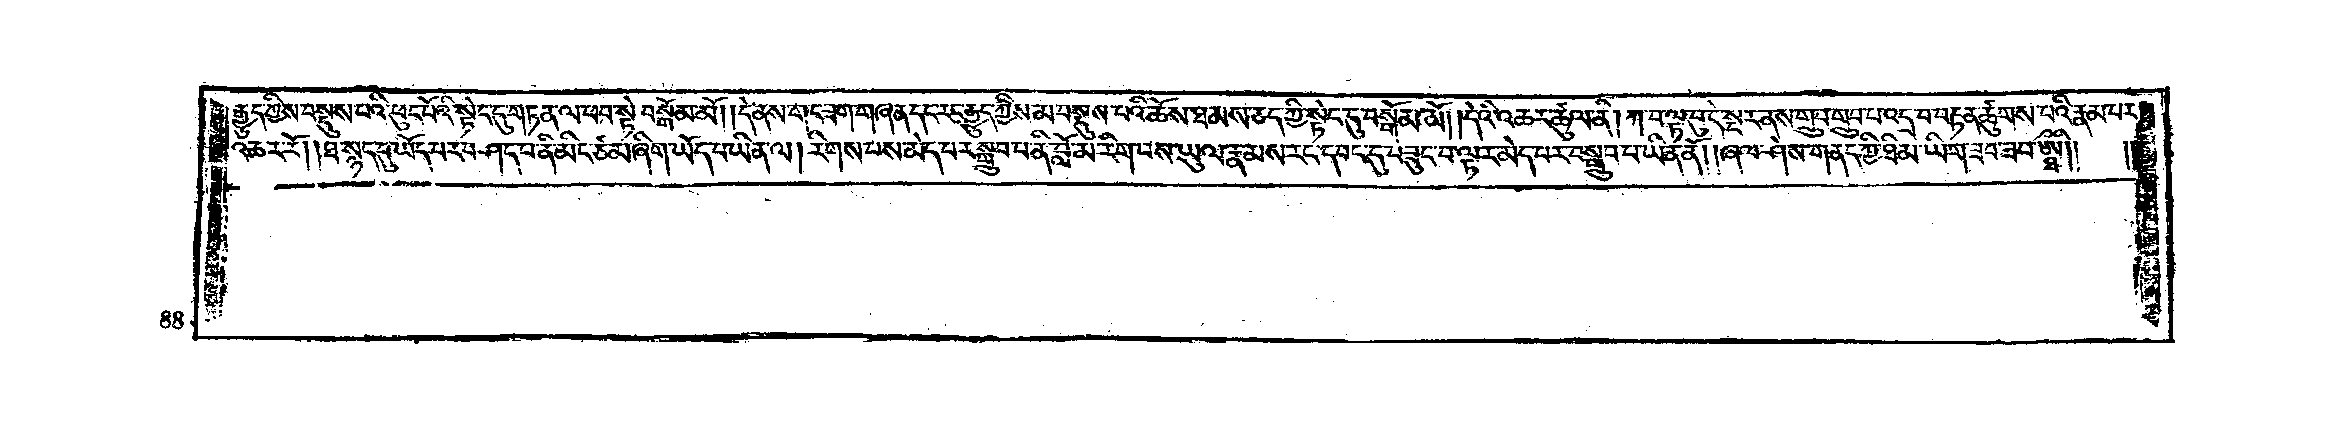རྒྱུད་ཀྱིས་བསྡུས་པའི་ཕུང་པོའི་སྟེང་དུ་གཏན་ལ་ཕབ་སྟེ་བསྒོམ་མོ། །དེ་ནས་གང་ཟག་གཞན་དང་རང་རྒྱུད་ཀྱིས་མ་བསྡུས་པའི་ཆོས་ཐམས་ཅད་ཀྱི་སྟེང་དུ་བསྒོམ་མོ། །དེའི་འཆར་ཚུལ་ནི། ཀ་བ་ལྟ་བུ་དེ་སྔར་ནས་གྲུབ་གྲུབ་པ་འདྲ་བ་བརྟན་ཚུགས་པའི་རྣམ་པར་
འཚར་རོ། །ཐ་སྙད་དུ་ཡོད་པར་བཤད་པ་ནི་མིང་ཙམ་ཞིག་ཡོད་པ་ཡིན་ལ། རིགས་པས་མེད་པར་སྒྲུབ་པ་ནི་བློ་མ་རིག་པས་ཡུལ་རྣམས་རང་དབང་དུ་བཟུང་བ་ལྟར་མེད་པར་བསྒྲུབ་པ་ཡིན་ནོ། །ཞལ་ཤེས་གནད་ཀྱི་ཐིམ་ཡིག་ཟབ་ཟབ་ཨིཐྀ།། །།